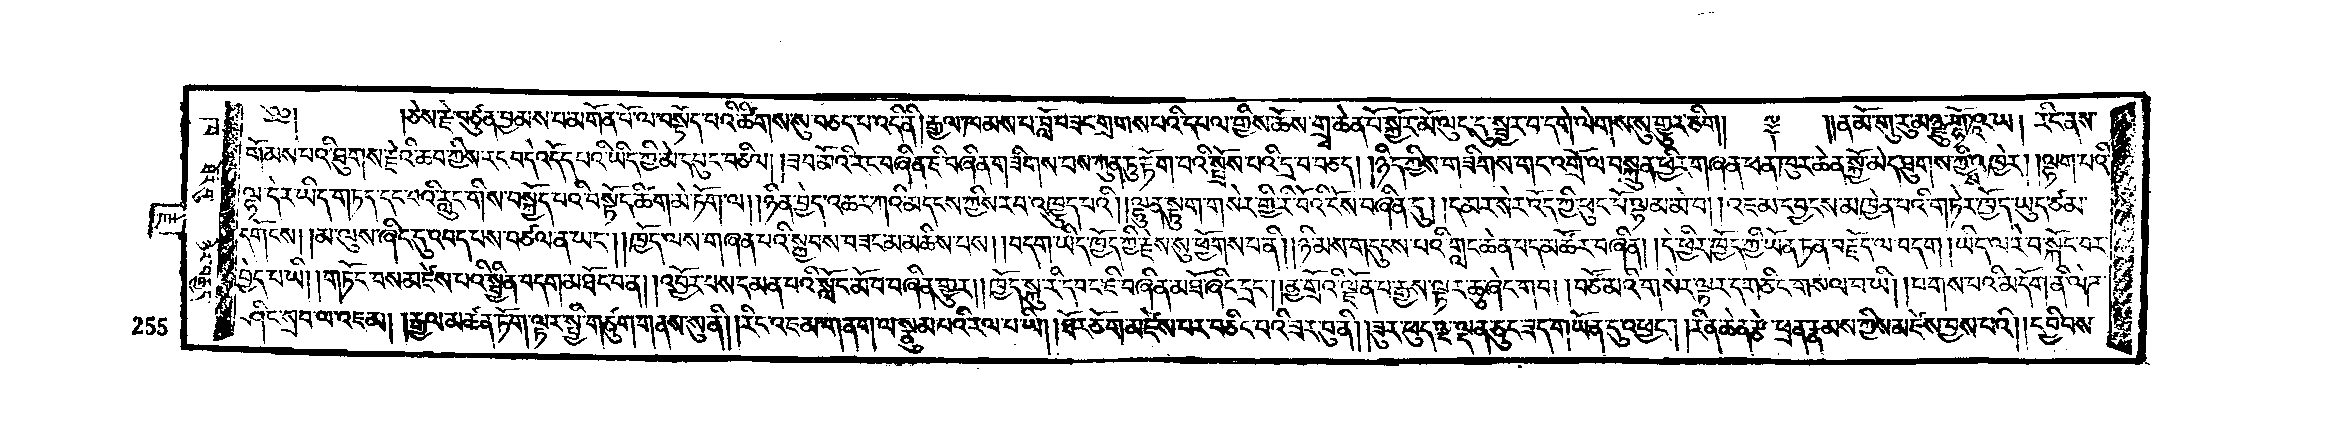༈ །།ན་མོ་གུ་རུ་མཉྫུ་གྷོ་ཥཱ་ཡ། རིང་ནས་
གོམས་པའི་ཐུགས་རྗེའི་ཆབ་ཀྱིས་རང་བདེ་འདོད་པའི་ཡིད་ཀྱི་མེ་དཔུང་བཅིལ། །ཟབ་མོའི་རང་བཞིན་ཇི་བཞིན་གཟིགས་པས་ཀུན་ཏུ་རྟོག་པའི་སྤྲོས་པའི་དྲ་བ་བཅད། །ཉིད་ཀྱིས་གཟིགས་གང་འགྲོ་ལ་བསྐྲུན་ཕྱི་གཞན་ཕན་ཁུར་ཆེན་སྐྱོ་མེད་ཐུགས་ཀྱིས་ཁྱེར། །ལྷག་པའི་
ལྷ་དེར་ཡིད་གཏད་དང་པའི་རླུང་གིས་བསྐྱོད་པའི་བསྟོད་ཚིག་མེ་ཏོག་ལ། །ཉིན་བྱེད་འཆར་ཀའི་མདངས་ཀྱིས་རབ་འཁྱུད་པའི། །ལྷུན་སྟུག་གསེར་གྱི་རི་བོའི་ངོས་བཞིན་དུ། །དམར་སེར་འོད་ཀྱི་ཕུང་པོ་ལྷམ་མེ་བ། །འཇམ་དབྱངས་མཁྱེན་པའི་གཏེར་ཁྱོད་ཡུད་ཙམ་
དགོངས། །མ་ལུས་ཞིང་དུ་འབད་པས་བཙལ་ན་ཡང་། །ཁྱོད་ལས་གཞན་པའི་སྐྱབས་བཟང་མ་མཆིས་པས། །བདག་ཡིད་ཁྱོད་ཀྱི་རྗེས་སུ་ཕྱོགས་པ་ནི། །ཉི་མས་གདུངས་པའི་གླང་ཆེན་པད་མཚོར་བཞིན། །དེ་ཕྱིར་ཁྱོད་ཀྱི་ཡོན་ཏན་བརྗོད་ལ་བདག །ཡིད་ལ་རེ་བ་སྐོང་བར་
བྱེད་པ་ཡི། །གཏོང་བས་མཛེས་པའི་སྦྱིན་བདག་མཐོང་བ་ན། །འབྱོར་པས་དམན་པའི་སློང་མོ་བ་བཞིན་གྱུར། །ཁྱོད་སྐུ་རི་དབང་ཇི་བཞིན་མཐོ་ཞིང་དྲང་། །ནྱ་གྲོའི་ལྗོན་པ་རྒྱས་ལྟར་ཆུ་ཞེང་གབ། །བཙོ་མའི་གསེར་ལྟར་དག་ཅིང་གསལ་བ་ཡི། །པགས་པའི་མདོག་ནི་ལེགས་
ཤིང་སྲབ་ལ་འཇམ། །རྒྱལ་མཚན་ཏོག་ལྟར་སྤྱི་གཙུག་གནས་སུ་ནི། །རིང་འཇམ་གནག་ལ་སྣུམ་པའི་རལ་པ་ཡི། །ཐོར་ཅོག་མཛེས་པར་བཅིང་པའི་ཟར་བུ་ནི། །ཟུར་ཕུད་ལྔ་ལྡན་ཅུང་ཟད་གཡོན་དུ་འཕྱང་། །རིང་ཆེན་རྩེ་ཕྲན་རྣམས་ཀྱིས་མཛེས་བྱས་པའི། །དབྱིབས་